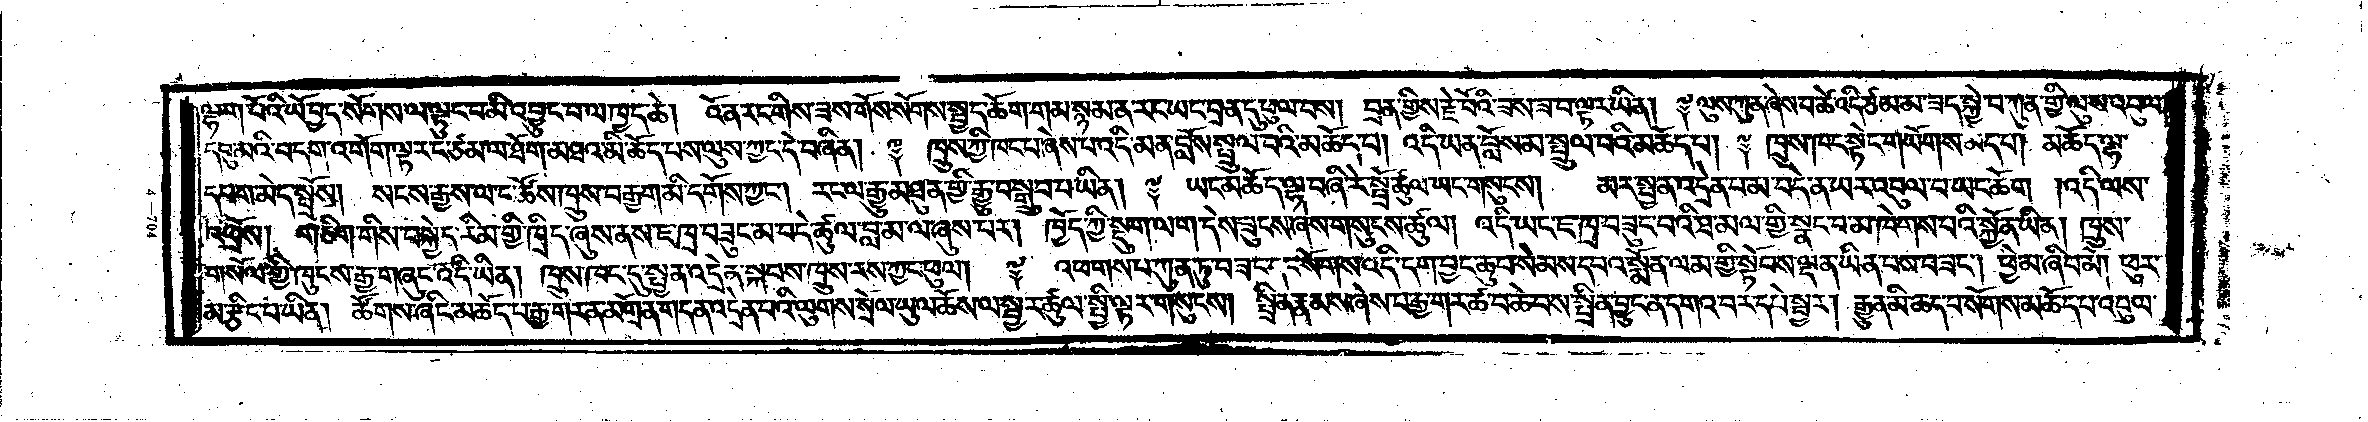ལྷག་པོའི་ཡོ་བྱད་སོགས་ལ་ལྟུང་བ་མི་འབྱུང་བ་ལ་ཁྱད་ཆེ། འོ་ན་རང་གིས་ཟས་གོས་སོགས་སྦྱད་ཆོག་གམ་སྙམ་ན་རང་ཡང་བྲན་དུ་ཕུལ་བས། བྲན་གྱིས་རྗེ་པོའི་ཟས་ཟ་པ་ལྟར་ཡིན། ༈ ལུས་ཀུན་ཞེས་པ་ཚེ་འདི་ཙམ་མ་ཟད་སྐྱེ་བ་ཀུན་གྱི་ལུས་འབུལ་
དབུ་མའི་བདག་འགོག་ལྟར་ང་ཙམ་ལ་ཐོག་མཐའ་མི་ཆོད་པས་ལུས་ཀྱང་དེ་བཞིན། ༈ ཁྲུས་ཀྱི་ཁང་པ་ཞེས་པ་འདི་མན་བློས་སྤྲུལ་བའི་མཆོད་བ། འདི་ཡན་བློས་མ་སྤྲུལ་པའི་མཆོད་པ། ༈ ཁྲུས་ཁང་སྟེང་གཡོགས་མེད་པ། མཆོད་ལྷ་
དཔག་མེད་སྤྲོས། སངས་རྒྱས་ལ་ང་ཚོས་ཁྲུས་བརྒྱག་མི་དགོས་ཀྱང་། རང་ལ་རྒྱུ་མཐུན་གྱི་རྒྱུ་བསྒྲུབ་པ་ཡིན། ༈ ཡང་མཆོད་ལྷ་བཞི་རེ་སྦྲོ་ཚུལ་ཡང་གསུངས། མར་སྤྱན་འདྲེན་པ་མ་བདེ་ན་ཡར་འབུལ་བ་ཡང་ཆོག །འདི་ལས་
འཕྲོས། གཅིག་གིས་བསྐྱེད་རིམ་གྱི་ཁྲིད་ཞུས་ནས་ཇ་ཁྲ་བཟུང་མ་བདེ་ཚུལ་བླ་མ་ལ་ཞུས་པར། ཁྱོད་ཀྱི་སྡུག་ལག་དེས་ཟུངས་ཞེས་གསུངས་ཚུལ། འདི་ཡང་ཇ་ཁྲ་བཟུང་བའི་ཐ་མལ་གྱི་སྣང་བ་མ་ཁེགས་བའི་སྐྱོན་ཡིན། ཁྲུས་
གསོལ་གྱི་ཁུངས་རྒྱ་གཞུང་འདི་ཡིན། ཁྲུས་ཁང་དུ་སྤྱན་འདྲེན་སྐབས་ཁྲུས་རས་ཀྱང་ཕུལ། ༈ འཕགས་པ་ཀུན་ཏུ་བཟང་དང་སོགས་འདི་དག་བྱང་ཆུབ་སེམས་དཔའ་སྨོན་ལམ་གྱི་སྟོབས་ལྡན་ཡིན་པས་བཟང་། ཕྱི་མ་ཞིབ་མོ། ཕུར་
མ་རྩིང་པ་ཡིན། ཚོགས་ཞིང་མཆོད་པ་རྒྱ་གར་ན་མགྲོན་གདན་འདྲེན་པའི་ལུགས་སྲོལ་ཡུལ་ཆོས་ལ་སྦྱར་ཚུལ་སྤྱི་ལྟར་གསུངས། སྤྲིན་རྣམས་ཞེས་པ་རྒྱ་གར་ཚ་བ་ཆེ་བས་སྤྲིན་བྱུང་ན་དགའ་བར་དཔེ་སྦྱར། རྒྱུན་མི་ཆད་པ་སོགས་མཆོད་པ་འབུལ་